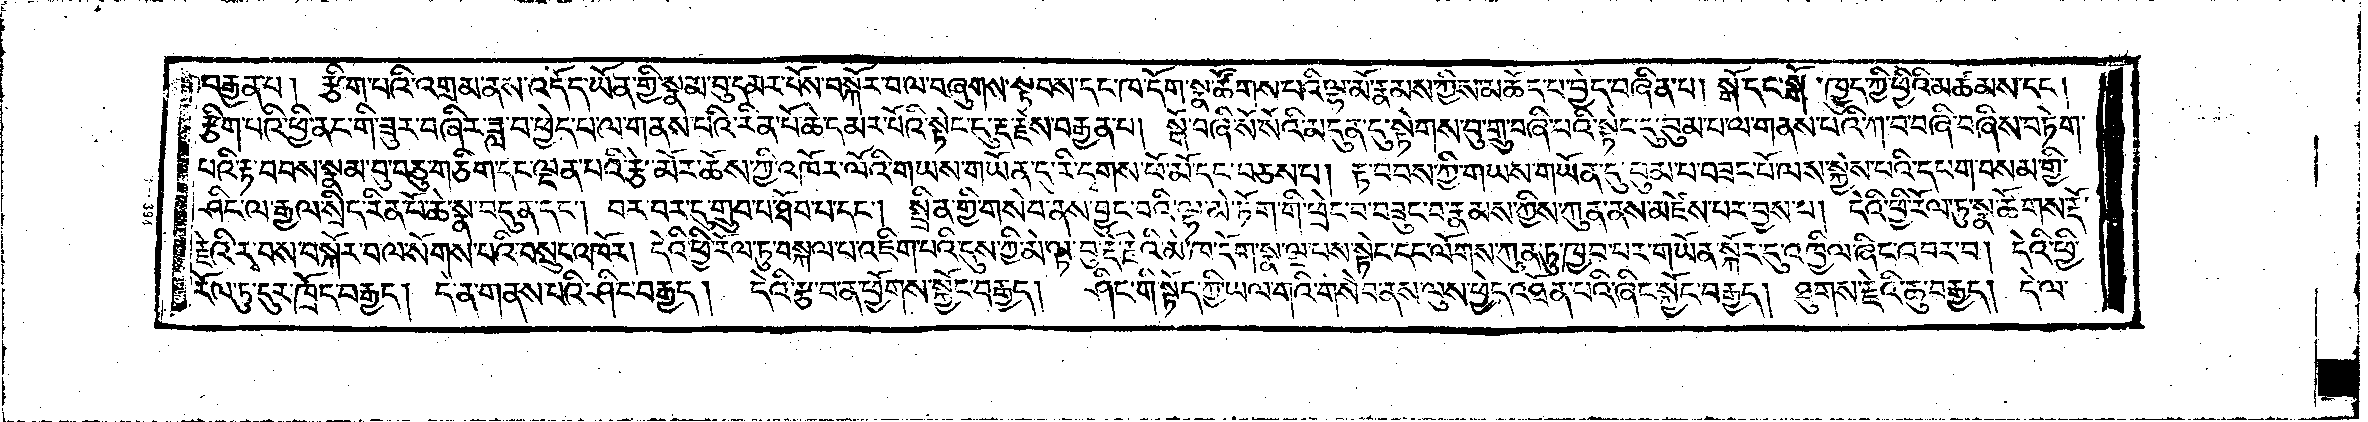བརྒྱན་པ། རྩིག་པའི་འགྲམ་ནས་འདོད་ཡོན་གྱི་སྣམ་བུ་དམར་པོས་བསྐོར་བ་ལ་བཞུགས་སྟབས་དང་ཁ་དོག་སྣ་ཚོགས་པའི་ལྷ་མོ་རྣམས་ཀྱིས་མཆོད་པ་བྱེད་བཞིན་པ། སྒོ་དང་སྒོ་ཁྱུད་ཀྱི་ཕྱིའི་མཚམས་དང་།
རྩིག་པའི་ཕྱི་ནང་གི་ཟུར་བཞིར་ཟླ་བ་ཕྱེད་པ་ལ་གནས་པའི་རིན་པོ་ཆེད་མར་པོའི་སྟེང་དུ་རྡ་རྗེས་བརྒྱན་པ། སྒོ་བཞི་སོ་སོའི་མདུན་དུ་སྟེགས་བུ་གྲུ་བཞི་པའི་སྟེང་དུ་བུམ་པ་ལ་གནས་པའི་ཀ་བ་བཞི་བཞིས་བཏེག་
པའི་རྟ་བབས་སྣམ་བུ་བཅུ་གཅིག་དང་ལྡན་པའི་རྩེ་མོར་ཆོས་ཀྱི་འཁོར་ལོའི་གཡས་གཡོན་དུ་རི་དྭགས་ཕོ་མོ་དང་བཅས་པ། རྟ་བབས་ཀྱི་གཡས་གཡོན་དུ་བུམ་པ་བཟང་པོ་ལས་སྐྱེས་པའི་དཔག་བསམ་གྱི་
ཤིང་ལ་རྒྱལ་སྲིད་རིན་པོ་ཆེ་སྣ་བདུན་དང་། བར་བར་དུ་གྲུབ་པ་ཐོབ་པ་དང་། སྤྲིན་གྱི་གསེབ་ནས་བྱུང་བའི་ལྷ་མེ་ཏོག་གི་ཕྲེང་བ་བཟུང་བ་རྣམས་ཀྱིས་ཀུན་ནས་མཛེས་པར་བྱས་པ། དེའི་ཕྱི་རོལ་ཏུ་སྣ་ཚོགས་རྡོ་
རྗེའི་རྭ་བས་བསྐོར་བ་ལ་སོགས་པའི་བསྲུང་འཁོར། དེའི་ཕྱི་རོལ་ཏུ་བསྐལ་པ་འཇིག་པའི་དུས་ཀྱི་མེ་ལྟ་བུ་རྡོ་རྗེའི་མེ་ཁ་དོག་སྣ་ལྔ་པས་སྟེང་དང་ལོགས་ཀུན་ཏུ་ཁྱབ་པར་གཡོན་སྐོར་དུ་འཁྱིལ་ཞིང་འབར་བ། དེའི་ཕྱི་
རོལ་ཏུ་དུར་ཁྲོད་བརྒྱད། དེ་ན་གནས་པའི་ཤིང་བརྒྱད། དེའི་རྩ་བ་ན་ཕྱོགས་སྐྱོང་བརྒྱད། ཤིང་གི་སྟོད་ཀྱི་ཡལ་གའི་གསེབ་ནས་ལུས་ཕྱེད་འཐོན་པའི་ཞིང་སྐྱོང་བརྒྱད། ཐུགས་རྗེའི་ཆུ་བརྒྱད། དེ་ལ་